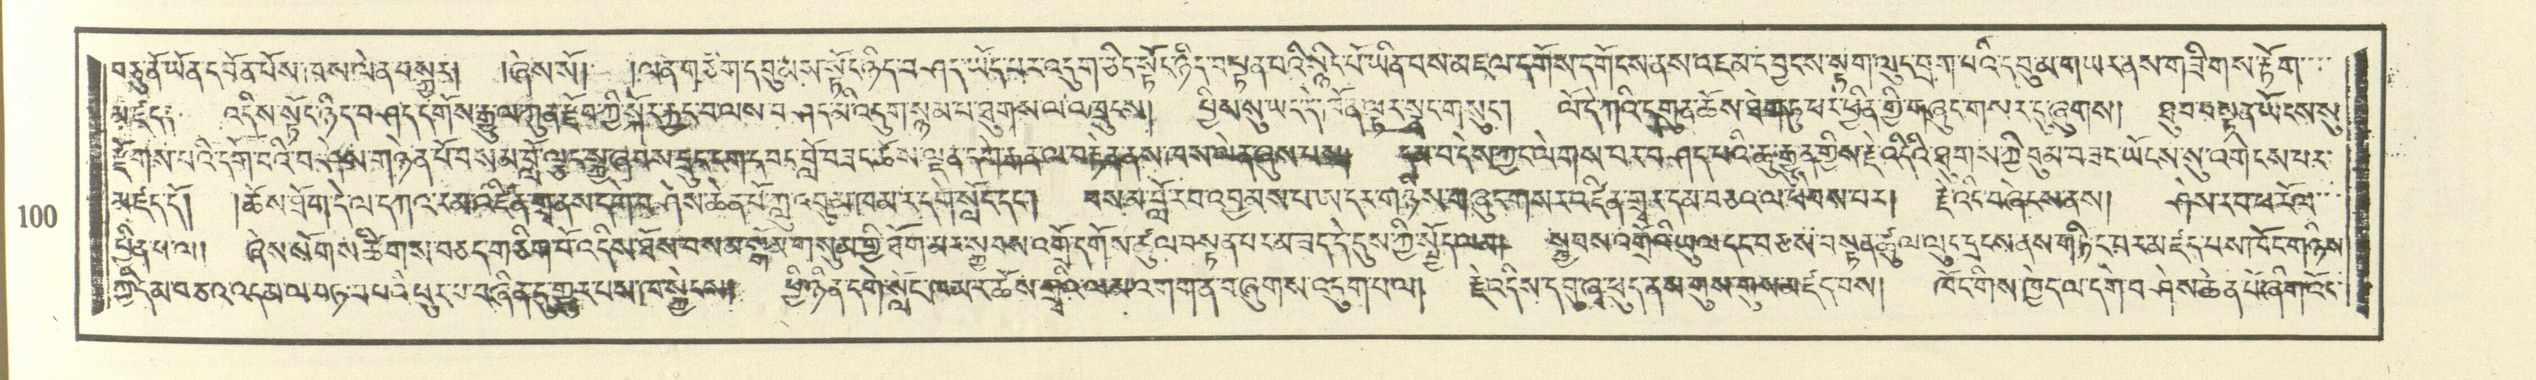བཅུ་ནོ་ཡོན་དབོན་པོས་ཁས་ལེན་བསྐྱར། །ཞེས་སོ། །ལན་གཅིག་དབུ་མས་སྟོང་ཉིད་བཤད་ཡོད་པར་འདུག་ཅིང་སྟོང་ཉིད་བསྟན་པའི་སྙིང་པོ་ཡིན་པས་མཇལ་དགོས་དགོངས་ནས་འཇམ་དབྱངས་སྟག་ལུང་བྲག་པའི་དབུ་མ་གཡར་ནས་གཟིགས་རྟོག་
མཛད༑ འདིས་སྟོང་ཉིད་བཤད་དགོས་རྒྱུ་ལ་ཀུན་རྫོབ་ཀྱི་སྐོར་རྐྱང་བ་ལས་བཤད་མི་འདུག་སྙམ་པ་ཐུགས་ལ་འཁྲུངས། ཕྱིས་སུ་ཡང་དེ་ཁོ་ན་ལྟར་སྣང་གསུང་། ལོ་དེ་ཀའི་དགུན་ཆོས་ཐེག་ཏུ་ཕར་ཕྱིན་གྱི་གཞུང་གསར་དུ་ཞུགས། ཐུབ་བསྟན་ཡོངས་སུ་
རྫོགས་པའི་དགེ་བའི་བཤེས་གཉེན་པོ་བསམ་བློ་ལྕང་སྐྱ་ཞབས་དྲུང་ངག་དབང་བློ་བཟང་ཆོས་ལྡན་དགེ་རྒན་ལ་བརྟེན་ནས་ཁས་ལེན་ཞུས་པས། དམ་པ་དེས་ཀྱང་ལེགས་པར་བཤད་པའི་ཆུ་རྒྱུན་གྱིས་རྗེ་འདིའི་ཐུགས་ཀྱི་བུམ་བཟང་ཡོངས་སུ་འགེངས་པར་
མཛད་དོ། །ཆོས་ཐོག་དེ་ལ་དཀའ་རམ་འཛིན་གྲྭ་ནས་དགེ་བཤེས་ཆེན་པོ་ཀླུ་འབུམ་ཁམ་ར་དགེ་སློང་དང་། བསམ་བློ་རབ་འབྱམས་པ་ཨ་དར་གཉིས་གཞུང་གསར་འཛིན་གྲྭར་དམ་བཅའ་ལ་ཕེབས་པར། རྗེ་འདི་བཞེངས་ནས། ཤེས་རབ་ཕ་རོལ་
ཕྱིན་པ་ལ། ཞེས་སོགས་ཚིགས་བཅད་གཅིག་པོ་འདིས་ཐོས་བསམ་སྒོམ་གསུམ་གྱི་ཐོག་མར་སྐྱབས་འགྲོ་དགོས་ཚུལ་བསྟན་པར་མ་ཟད་དེ་དུས་ཀྱི་སྤྱོད་ལམ། སྐྱབས་འགྲོའི་ཡུལ་དང་བཅས་བསྟན་ཚུལ་ལུང་དྲངས་ནས་གཏོང་བར་མཛད་པས་ཁོང་གཉིས་
ཀྱི་དམ་བཅའ་འདམ་ལ་བཏབ་པའི་ཕུར་པ་བཞིན་དུ་གྱུར་པས་ཁ་སྐྱེངས། ཕྱི་ཉིན་དགེ་སློང་ཁམ་ར་ཆོས་གྲྭའི་ལམ་འགག་ན་བཞུགས་འདུག་པ་ལ། རྗེ་འདིས་དབུ་ཞྭ་ཕུད་ནས་གུས་གུས་མཛད་པས། ཁོང་གིས་ཁྱེད་ལ་དགེ་བཤེས་ཆེན་པོ་ཞིག་འོང་